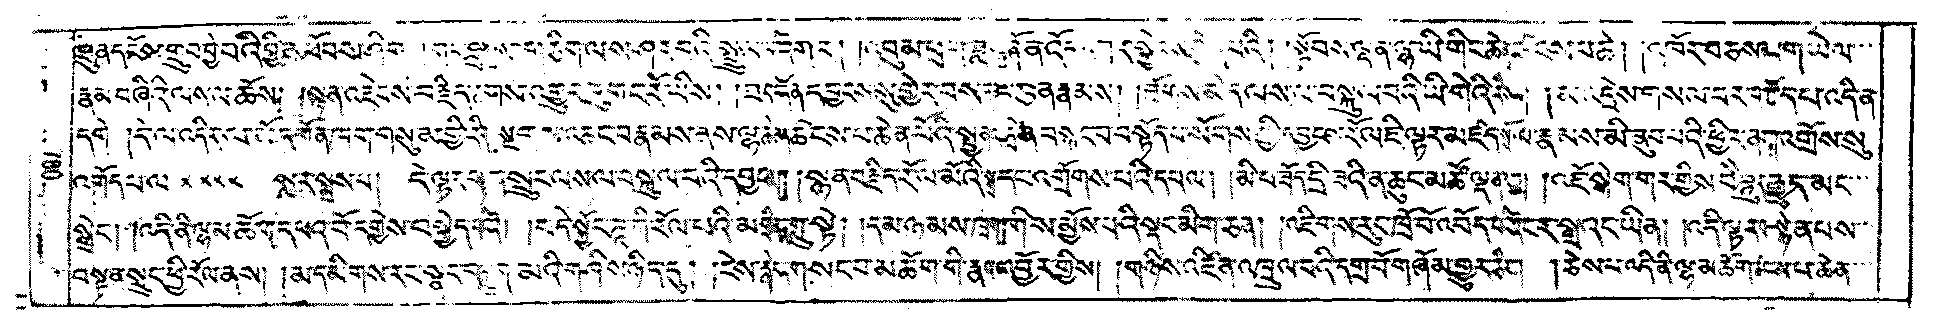འདི་དག་དང་མི་མཐུན་པ་ཇི་སྙེད་ཅིག་འདུག་པ་འདི་དབང་སོར་བཞག་བྱས་ཚེ་ཆོས་སྲིད་གང་ཐད་ནས་ཕན་ལས་གནོད་འགྱུར་ཉེན་ཚབ་ཆེ་བར་བརྟེན། རྗེ་བླ་མ་མཆོག་གི་སྐུ་ཚེའི་རིང་གི་མཛད་རྣམ་དངོས་གཞིར་འཁྲི་བསྣོན་
བཅོས་ལྷད་མ་དགོས་པར་རང་འཇགས་སོར་བཞག་ཐོག །གོང་གི་ཆོས་འབྱུང་རྒྱལ་རབས་དང་། ཞོར་འཕྲོས་གླེང་བརྗོད་དགོས་མེད་རིགས་རྣམས་འདོར་ལེན་གྱིས་རྒྱ་གར་གྱི་རྒྱལ་ས་ལྡི་ལི་གསར་པར་ཕ་བོང་ཁའི་
བླ་བྲང་ནས་སླར་ཡང་འཕྲུལ་དཔར་གྱི་ལམ་དུ་དཔར་བསྐྲུན་ཞུས་པའི་མཚམས་སྦྱོར་དུ་མགོན་པོ་མཆོག་གི་གསུང་སྐྱེས་སློབ་བུའི་གྲལ་མཐར་གཏོགས་པ་ཡོངས་འཛིན་ཁྲི་བྱང་སྤྲུལ་མིང་པས་སུག་བྲིས་བགྱིས་
པའོ།། །།༈ དགའ་ལྡན་ཤར་རྩེ་གྲྭ་ཚང་གདོང་གྲལ་མཇུག་གི་སྒོ་བཀག་དྲ་ཕྱེད་བསེ་ཁྲབ་པ་དབུས་བཞུགས་ཀྱི་སྨོན་ཚིག །  ཨོཾ་སྭ་སྟི། གངས་རིའི་ལྗོངས་ན་ཤཱཀྱའི་རིང་ལུགས་ལ། །ལེགས་པར་བཤད་པའི་འོད་
སྣང་འབུམ་འཕྲོ་བ། །བློ་ལྡན་ཤེས་རབ་སྨྲ་བའི་ཉི་མ་སྟེ། །སླར་ཡང་ཤར་བ་འཇམ་མགོན་ཆོས་ཀྱི་རྗེ། །དེ་ལ་མཆོག་གི་ཐ་ཚིག་མི་བཟད་པ། །མ་རུངས་ཞིང་བཅུའི་སྙིང་ག་འགས་པའི་མཚོན། །སྟོབས་ལྡན་དཔའ་བོའི་
བ་དན་ཟླ་མེད་དུ། །བཙུགས་པའི་ལྷ་དེ་བསེ་ཡི་གོ་ཁྲབ་ཅན། །དེ་སླད་དགྱེས་པའི་རྫས་ཀྱིས་དབང་བསྟོད་ཅིང་། །གཡར་དམ་གཉན་པོའི་ཆེ་བཞིར་འདིར་བཀོད་ན། །རྣལ་འབྱོར་བདག་གི་རེ་བའི་དོན་སྒྲུབ་པར། །རྟག་